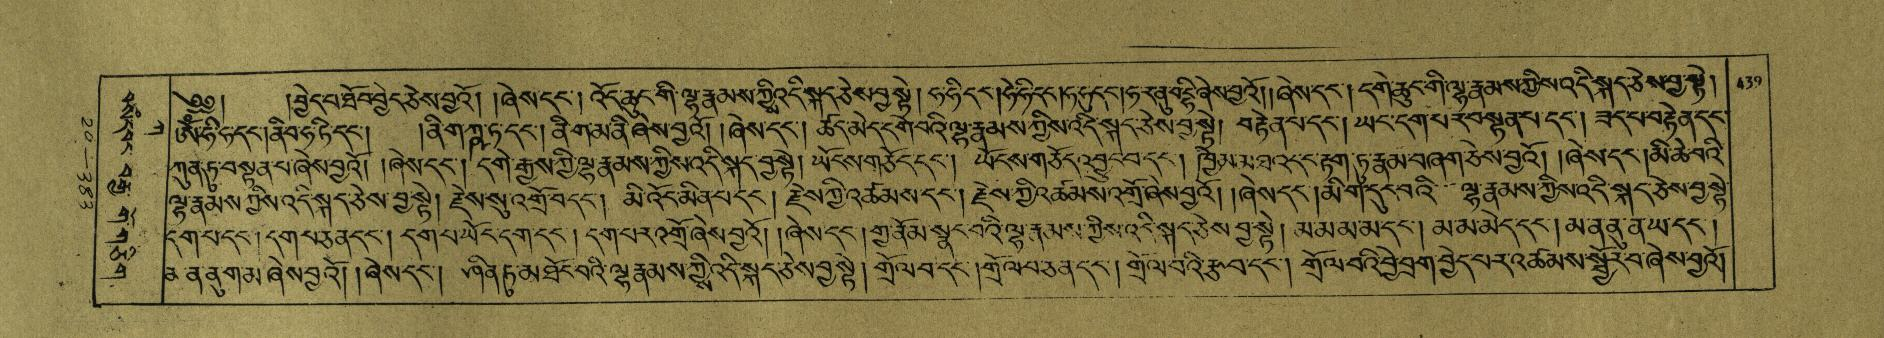༄༅། །བྱེད་པ་ཐོབ་བྱེད་ཅེས་བྱའོ། །ཞེས་དང་། འོད་ཆུང་གི་ལྷ་རྣམས་ཀྱིས་འདི་སྐད་ཅེས་བྱ་སྟེ། ཧ་ཧི་དང་། ཧེ་ཧི་དང་། ཧ་ཧུ་དང་། ཧ་ར་ནུ་བ་དྷི་ཞེས་བྱའོ། །ཞེས་དང་། དགེ་ཆུང་གི་ལྷ་རྣམས་ཀྱིས་འདི་སྐད་ཅེས་བྱ་སྟེ།
ཨོཾ་ཧི་ཧ་དང་། ནི་བ་ཧ་ཏི་དང་། །ནི་ག་ཀྵ་ཏ་དང་། ནི་ག་མ་ནི་ཞེས་བྱའོ། །ཞེས་དང་། ཚད་མེད་དགེ་བའི་ལྷ་རྣམས་ཀྱིས་འདི་སྐད་ཅེས་བྱ་སྟེ། བརྟེན་པ་དང་། ཡང་དག་པར་བསྟན་པ་དང་། ཟད་པ་བརྟེན་དང་
ཀུན་ཏུ་བསྟན་པ་ཞེས་བྱའོ། །ཞེས་དང་། དགེ་རྒྱས་ཀྱི་ལྷ་རྣམས་ཀྱིས་འདི་སྐད་བྱ་སྟེ། ཡོངས་གཅོད་དང་། ཡོངས་གཅོད་འབྱུང་བ་དང་། ཁྱིམ་མཐའ་དང་རྟག་ཏུ་རྣམ་བཞག་ཅེས་བྱའོ། །ཞེས་དང་། མི་ཆེ་བའི་
ལྷ་རྣམས་ཀྱིས་འདི་སྐད་ཅེས་བྱ་སྟེ། རྗེས་སུ་འགྲོ་བ་དང་། མི་འོང་མིན་པ་དང་། རྗེས་ཀྱི་འཚམས་དང་། རྗེས་ཀྱི་འཚམས་འགྲོ་ཞེས་བྱའོ། །ཞེས་དང་། མི་གདུང་བའི་ལྷ་རྣམས་ཀྱིས་འདི་སྐད་ཅེས་བྱ་སྟེ་
དག་པ་དང་། དག་པ་ཅན་དང་། དག་པ་ཡོང་དག་དང་། དག་པར་འགྲོ་ཞེས་བྱའོ། །ཞེས་དང་། གྱ་ནོམ་སྣང་བའི་ལྷ་རྣམས་ཀྱིས་འདི་སྐད་ཅེས་བྱ་སྟེ། མ་མ་མ་མ་དང་། མ་མ་མེད་དང་། མ་ན་ནུ་ན་ཡ་དང་།
མ་ན་ནུ་ག་མ་ཞེས་བྱའོ། །ཞེས་དང་། ཤིན་ཏུ་མཐོང་བའི་ལྷ་རྣམས་ཀྱིས་འདི་སྐད་ཅེས་བྱ་སྟེ། གྲོལ་བ་དང་། གྲོལ་བ་ཅན་དང་། གྲོལ་བའི་རྩ་བ་དང་། གྲོལ་བའི་བྱེ་བྲག་བྱེད་པར་འཚམས་སྦྱོར་བ་ཞེས་བྱའོ།